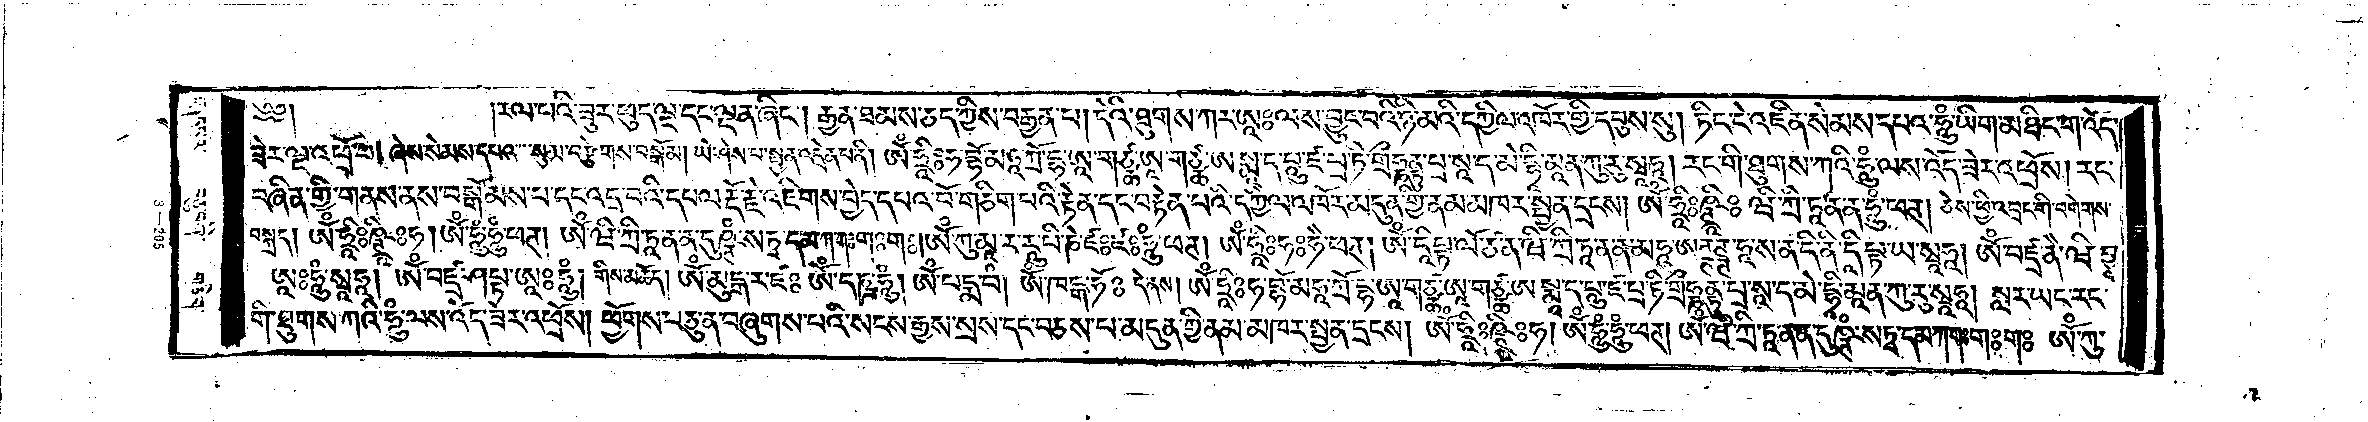༄༅། །རལ་པའི་ཟུར་ཕུད་ལྔ་དང་ལྡན་ཞིང་། རྒྱན་ཐམས་ཅད་ཀྱིས་བརྒྱན་པ། དེའི་ཐུགས་ཀར་ཨཱཿ ལས་བྱུང་བའི་ཉི་མའི་དཀྱིལ་འཁོར་གྱི་དབུས་སུ། ཏིང་ངེ་འཛིན་སེམས་དཔའ་ཧཱུཾ་ཡིག་མཐིང་ག་འོད་
ཟེར་ལྔ་འཕྲོ་བ། ཞེས་སེམས་དཔའ་སུམ་བརྩེགས་བསྒོམ། ཡེ་ཤེས་པ་སྤྱན་འདྲེན་པ་ནི།  ཨོཾ་ཧྲཱིཿཧ་བྷོ་མཧཱ་ཀྲོ་དྷ་ཨཱ་གཙྪ་ཨཱ་གཙྪ་ཨ་སྨཱ་ད་ལཱུ་ཛ་པྲ་ཏི་གྲྀཧྞནྟུ་པྲ་སཱ་ད་མེ་དྷི་མཱ་ན་ཀུ་རུ་སྭཱཧཱུ། རང་གི་ཐུགས་ཀའི་ཧཱུཾ་ལས་འོད་ཟེར་འཕྲོས། རང་
བཞིན་གྱི་གནས་ནས་བསྒོམས་པ་དང་འདྲ་བའི་དཔལ་རྡོ་རྗེ་འཇིགས་བྱེད་དཔའ་བོ་གཅིག་པའི་རྟེན་དང་བརྟེན་པའི་དཀྱིལ་འཁོར་མདུན་གྱི་ནམ་མཁར་སྤྱིན་དྲངས། ཨོཾ་ཧྲཱིཿཥྚྲཱིཿཝི་ཀྲི་ཏཱ་ན་ན་ཧཱུཾ་ཕཊ། ཅེས་ཕྱི་འབྲང་གི་བགེགས་
བསྐྲད། ཨོཾ་ཧྲཱིཿཥྚྲཱིཿཧ། ཨོཾ་ཧཱུཾ་ཧཱུཾ་ཕཊ། ཨོཾ་ཝི་ཀྲི་ཏཱན་ན་དུ་ཥྚཾ་སཏྭ་དམ་ཀགཿ གཉགཿ། ཨོཾ་ཀུ་མཱ་ར་རཱུ་པི་ཎེ་ཛཿ ཛཿ ཧཱུཾ་ཕཊ། ཨོཾ་ཧྲཱིཿཧཿཧཻ་ཕཊ། ཨོཾ་དཱི་པྟ་ལོ་ཅན་ཝི་ཀྲི་ཏཱ་ན་ན་མ་ཧཱ་ཨཊྚཊྚ་ཧཱ་ས་ན་དི་ནི་དཱི་པྟ་ཡ་སྭཱཧཱ། ཨོཾ་བཛྲ་ནཻ་ཝི་བྱཱ་
ཨཱཿ ཧཱུཾ་སྭཱཧཱ། ཨོཾ་བཛྲ་ཤ་པྟ་ཨཱཿཧཱུཾ། གིས་མཆོད།  ཨོཾ་མུངྒ་ར་ཛཿ ཨོཾ་དཎྜ་ཧཱུཾ། ཨོཾ་པདམ་བ། ཨོཾ་ཁངྒ་ཧོཿ དེ་ནས།  ཨོཾ་ཧྲཱིཿཧ་བྷོ་མཧཱ་ཀྲོ་དྷ་ཨཱ་གཙྪ་ཨཱ་གཙྪ་ཨ་སྨཱ་ད་པཱུ་ཛ་པྲ་ཏི་གྲྀཧྞནྟུ་པྲ་སཱ་ད་མེ་དྷི་མཱན་ཀུ་རུ་སྭཱ་ཧཱ། སླར་ཡང་རང་
གི་ཐུགས་ཀའི་ཧཱུཾ་ལས་འོད་ཟེར་འཕྲོས། ཕྱོགས་བཅུ་ན་བཞུགས་པའི་སངས་རྒྱས་སྲས་དང་བཅས་པ་མདུན་གྱི་ནམ་མཁར་སྤྱན་དྲངས། ཨོཾ་ཧྲཱིཿཥྚིཿཧ། ཨོཾ་ཧཱུཾ་ཧཱུཾ་ཕཊ། ཨོཾ་ཝི་ཀྲིཏཱ་ན་ན་དུཥྚཾ་སཏྭ་དམ་ཀགཿགཿགཿ ཨོཾ་ཀུ་